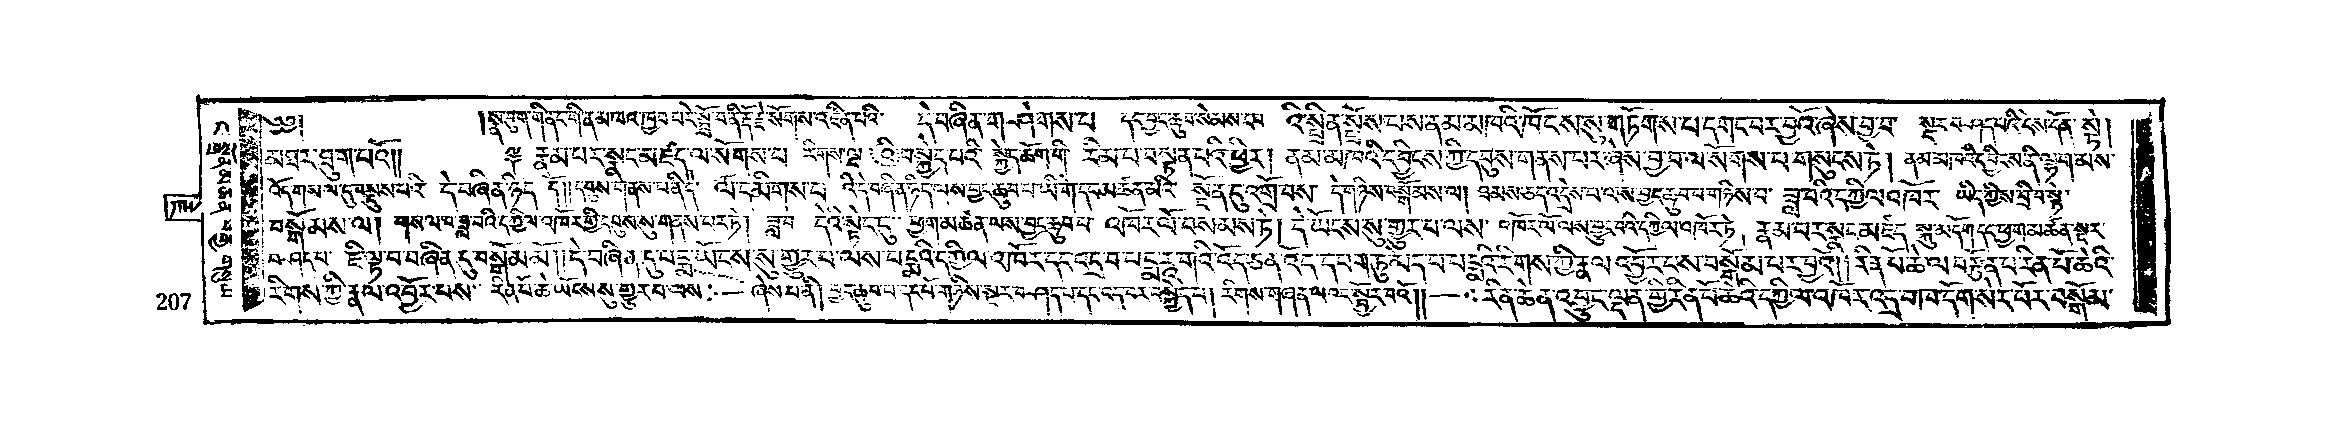༄༅། ། སྣ་བུག་གི་ནང་གི་ནམ་མཁའ་ཁྱབ་པར་སྤྲོ་བ་ནི་རྡོ་རྗེ་སོགས་འཛིན་པའི་དེ་བཞིན་གཤེགས་པ་དང་བྱང་ཆུབ་སེམས་དཔའི་སྤྲིན་སྤྲོས་པས་ནམ་མཁའི་ཁོངས་སུ་གཏོགས་པ་དགང་བར་བྱའོ་ཞེས་བྱ་བ་སྔར་བཤད་པའི་ངེས་དོན་སྟེ།
མཐར་ཐུག་པའོ།། ༈ རྣམ་པར་སྣང་མཛད་ལ་སོགས་པ་རིགས་ལྔའི་བསྐྱེད་པའི་སྐྱེད་ཆོག་གི་རིམ་པ་བསྟན་པའི་ཕྱིར། ནམ་མཁའི་དབྱིངས་ཀྱི་དབུས་གནས་པར་ཞེས་བྱ་བ་ལ་སོགས་པ་གསུངས་ཏེ། ནམ་མཁའི་དབྱིངས་ནི་ལྷག་མོས་
འོད་གསལ་དུ་བསྡུས་པའི་དེ་བཞིན་ཉིད་དོ། །དབུས་གནས་པ་ནི་དེ་ལ་དམིགས་པའི་དེ་བཞིན་ཉིད་ལས་བྱང་ཆུབ་པ་ཡི་གེ་དང་མཚན་མའི་སྔོན་དུ་འགྲོ་བས་དེ་གཉིས་བསྒོམས་ལ། ཐམས་ཅད་འདྲེས་པ་ལས་བྱང་ཆུབ་པ་གཉིས་པ་ཟླ་བའི་དཀྱིལ་འཁོར་ཡིད་ཀྱིས་བྲི་བ་སྟེ
བསྒོམས་ལ། གསལ་བ་ཟླ་བའི་དཀྱིལ་འཁོར་གྱི་དབུས་སུ་གནས་པར་ཏེ། ཟླ་བ་དེའི་སྟེང་དུ་ཕྱག་མཚན་ལས་བྱང་ཆུབ་པ་འཁོར་ལོ་བསམས་ཏེ། དེ་ཡོངས་སུ་གྱུར་པ་ལས་འཁོར་ལོ་ལས་བྱུང་བའི་དཀྱིལ་འཁོར་ཏེ།  རྣམ་པར་སྣང་མཛད་སྐུ་མདོག་དང་ཕྱག་མཚན་སྔར་
བཤད་པ་ཇི་ལྟ་བ་བཞིན་དུ་བསྒོམ་མོ། །དེ་བཞིན་དུ་པདམ་ཡོངས་སུ་གྱུར་པ་ལས་པདམའི་དཀྱིལ་འཁོར་དང་འདྲ་བ་པདམ་རཱ་གའི་འོད་ཅན་འོད་དཔག་ཏུ་མེད་པ་པདམའི་རིགས་ཀྱི་རྣལ་འབྱོར་པས་བསྒོམ་པར་བྱའོ། །རིན་པོ་ཆེ་ལ་བརྩོན་པ་རིན་པོ་ཆེའི་
རིགས་ཀྱི་རྣལ་འབྱོར་པས་རིན་པོ་ཆེ་ཡོངས་སུ་གྱུར་བ་ལས་ཞེས་པ་ནི། བྱང་ཆུབ་པ་དང་པོ་གཉིས་སྔར་བཤད་པ་དང་འདྲ་བར་བསྐྱེད་པ། རིགས་གཞན་ལའང་སྦྱོར་བའོ།། རིན་ཆེན་འབྱུང་ལྡན་གྱི་རིན་པོ་ཆེའི་དཀྱིལ་འཁོར་འདྲ་བ་ཁ་དོག་སེར་པོར་བསྒོམ་